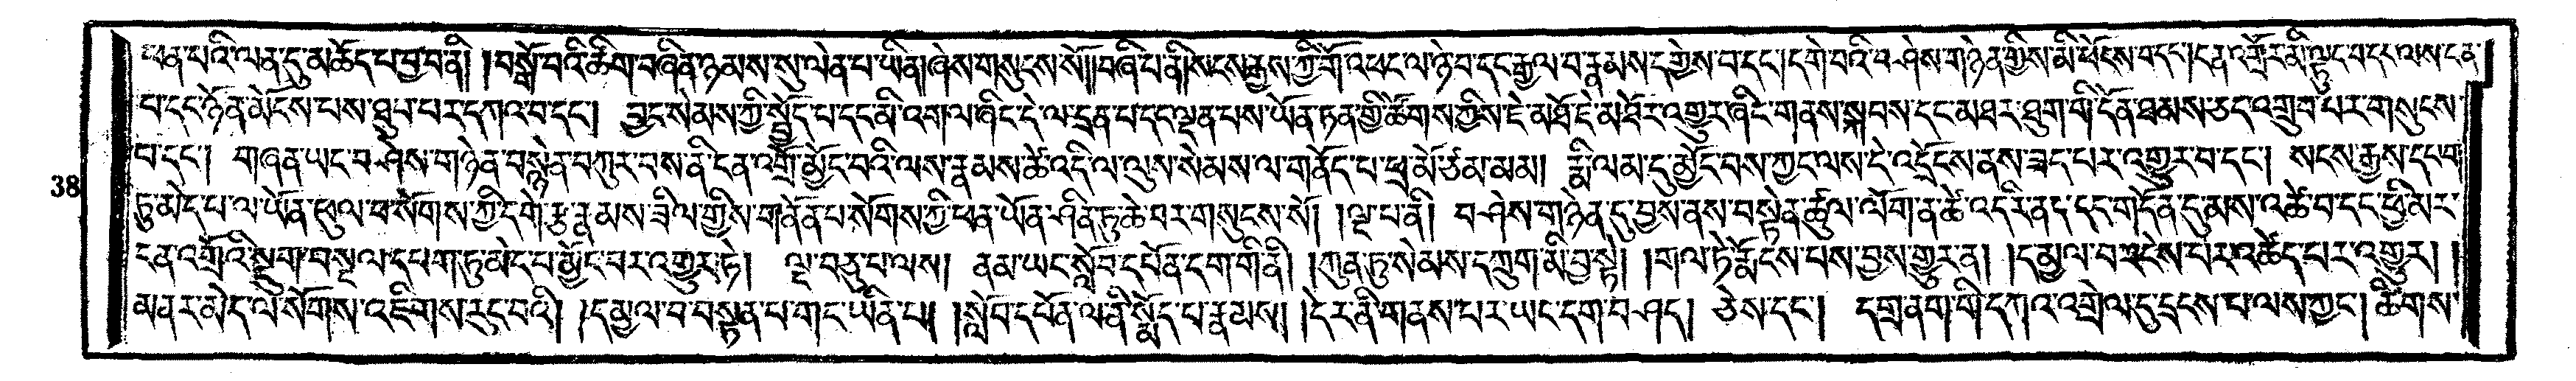ཕན་པའི་ལན་དུ་མཆོད་པ་བྱ་བ་ནི། བསྒོ་བའི་ཚིག་བཞིན་ཉམས་སུ་ལེན་པ་ཡིན། ཞེས་གསུངས་སོ། །བཞི་པ་ནི། སངས་རྒྱས་ཀྱི་གོ་འཕང་ལ་ཉེ་བ་དང་རྒྱལ་བ་རྣམས་དགྱེས་པ་དང་། དགེ་བའི་བཤེས་གཉེན་གྱིས་མི་ཕོངས་པ་དང་། ངན་འགྲོར་མི་ལྟུང་བ་དང་ལས་ངན་
པ་དང་ཉོན་མོངས་པས་ཐུབ་པར་དཀའ་བ་དང་། བྱང་སེམས་ཀྱི་སྤྱོད་པ་དང་མི་འགལ་ཞིང་དེ་ལ་དྲན་པ་དང་ལྡན་པས་ཡོན་ཏན་གྱི་ཚོགས་ཀྱིས་ཇེ་མཐོ་ཇེ་མཐོར་འགྱུར་ཞིང་གནས་སྐབས་དང་མཐར་ཐུག་གི་དོན་ཐམས་ཅད་འགྲུབ་པར་གསུངས་
པ་དང་། གཞན་ཡང་བཤེས་གཉེན་བསྙེན་བཀུར་བས་ནི་ངན་འགྲོ་མྱོང་བའི་ལས་རྣམས་ཚེ་འདི་ལ་ལུས་སེམས་ལ་གནོད་པ་ཕྲ་མོ་ཙམ་མམ། རྨི་ལམ་དུ་མྱོང་བས་ཀྱང་ལས་དེ་འདྲོངས་ནས་ཟད་པར་འགྱུར་བ་དང་། སངས་རྒྱས་དཔག་
ཏུ་མེད་པ་ལ་ཡོན་ཕུལ་ཕ་སོགས་ཀྱི་དགེ་རྩ་རྣམས་ཟིལ་གྱིས་གནོན་པ་སོགས་ཀྱི་ཕན་ཡོན་ཤིན་ཏུ་ཆེ་བར་གསུངས་སོ། །ལྔ་པ་ནི། བཤེས་གཉེན་དུ་བྱས་ནས་བསྟེན་ཚུལ་ལོག་ན་ཚེ་འདིར་ནད་དང་གདོན་དུ་མས་འཚེ་བ་དང་ཕྱི་མར་
ངན་འགྲོའི་སྡུག་བསྔལ་དཔག་ཏུ་མེད་པ་མྱོང་བར་འགྱུར་ཏེ། ལྔ་བཅུ་པ་ལས། ནམ་ཡང་སློབ་དཔོན་དག་གི་ནི། །ཀུན་ཏུ་སེམས་དཀྲུག་མི་བྱ་སྟེ། གལ་ཏེ་རྨོངས་པས་བྱས་གྱུར་ན། །དམྱལ་བར་ངེ་པར་འཚེད་པར་འགྱུར།
མནར་མེད་ལ་སོགས་འཇིགས་རུང་བའི། །དམྱལ་བ་བསྟན་པ་གང་ཡིན་པ། སློབ་དཔོན་ལ་ནི་སྨོད་པ་རྣམས། །དེར་ནི་གནས་པར་ཡང་དག་བཤད། ཅེས་དང་། དགྲ་ནག་གི་དཀའ་འགྲེལ་དུ་དྲངས་པ་ལས་ཀྱང་། ཚིགས་